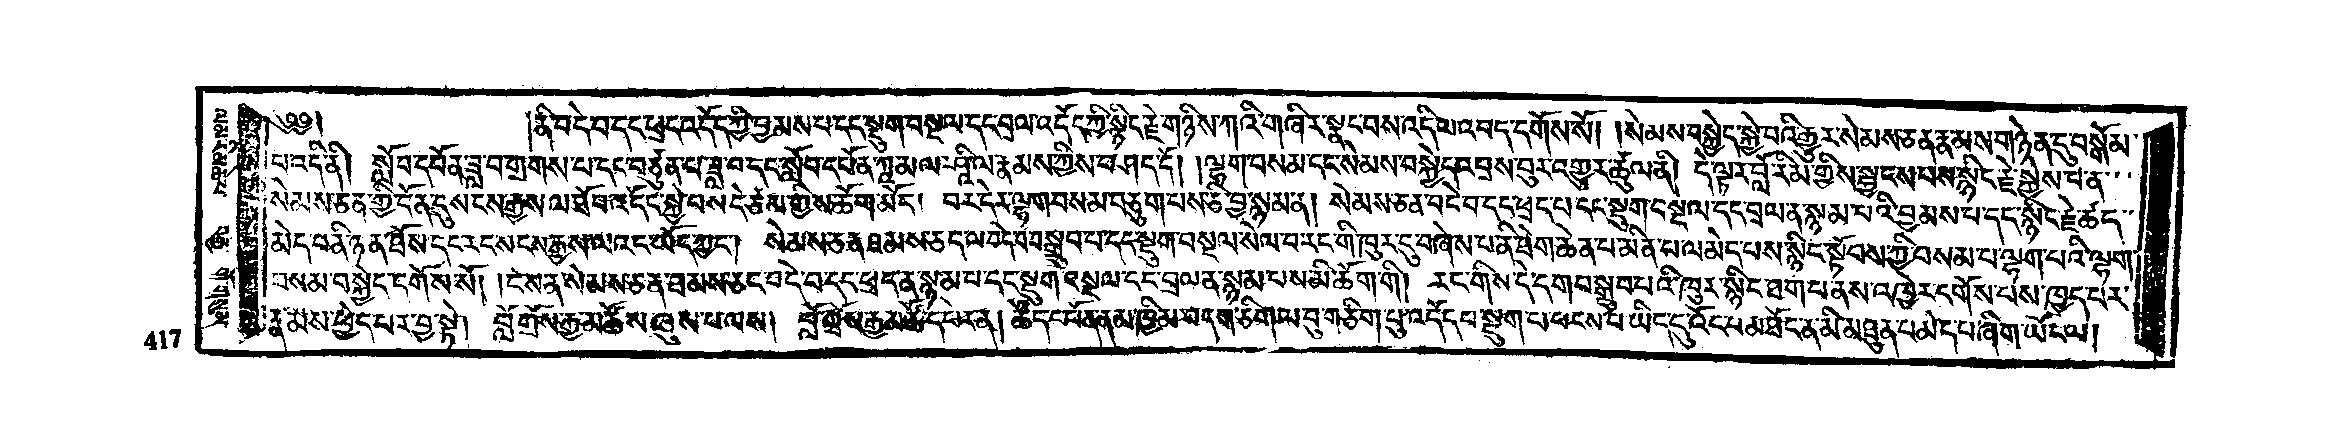༄༅། །ནི་བདེ་བ་དང་ཕྲད་འདོད་ཀྱི་བྱམས་པ་དང་སྡུག་བསྔལ་དང་བྲལ་འདོད་ཀྱི་སྙིང་རྗེ་གཉིས་ཀའི་གཞིར་སྣང་བས་འདི་ལ་འབད་དགོས་སོ། །སེམས་བསྐྱེད་སྐྱེ་བའི་རྒྱུར་སེམས་ཅན་རྣམས་གཉེན་དུ་བསྒོམ་
པ་འདི་ནི། སློབ་དཔོན་ཟླ་བ་གྲགས་པ་དང་བཙུན་པ་ཟླ་བ་དང་སློབ་དཔོན་ཀཱ་མ་ལ་ཤཱི་ལ་རྣམས་ཀྱིས་བཤད་དོ། །ལྷག་བསམ་དང་སེམས་བསྐྱེད་འབྲས་བུར་འགྱུར་ཚུལ་ནི། དེ་ལྟར་བློ་རིམ་གྱིས་སྦྱངས་པས་སྙིང་རྗེ་སྐྱེས་པ་ན་
སེམས་ཅན་གྱི་དོན་དུ་སངས་རྒྱས་ལ་ཐོབ་འདོད་སྐྱེ་བས་དེ་ཙམ་གྱིས་ཆོག་མོད། བར་དེར་ལྷག་བསམ་བཅུག་པས་ཅི་བྱ་སྙམ་ན། སེམས་ཅན་བདེ་བ་དང་ཕྲད་པ་དང་སྡུག་བསྔལ་དང་བྲལ་ན་སྙམ་པའི་བྱམས་པ་དང་སྙིང་རྗེ་ཚད་
མེད་པ་ནི་ཉན་ཐོས་དང་རང་སངས་རྒྱས་ལའང་ཡོད་ཀྱང་། སེམས་ཅན་ཐམས་ཅད་ལ་བདེ་བ་བསྒྲུབ་པ་དང་སྡུག་བསྔལ་སེལ་བ་རང་གི་ཁུར་དུ་བཞེས་པ་ནི་ཐེག་ཆེན་པ་མིན་པ་ལ་མེད་པས་སྙིང་སྟོབས་ཀྱི་བསམ་པ་ལྷག་པའི་ལྷག་
བསམ་བསྐྱེད་དགོས་སོ། །དེས་ན་སེམས་ཅན་ཐམས་ཅད་བདེ་བ་དང་ཕྲད་ན་སྙམ་བ་དང་སྡུག་བསྔལ་དང་བྲལ་ན་སྙམ་པས་མི་ཆོག་གི། རང་གིས་དེ་དག་བསྒྲུབ་པའི་ཁུར་སྙིང་ཐག་པ་ནས་འཁྱེར་དགོས་པས་ཁྱད་པར་
རྣམས་ཕྱེད་པར་བྱ་སྟེ། བློ་གྲོས་རྒྱ་མཚོས་ཞུས་པ་ལས། བློ་གྲོས་རྒྱ་མཚོ་དཔེར་ན། ཚོང་དཔོན་ནམ་ཁྱིམ་བདག་ཅིག་ལ་བུ་གཅིག་པུ་འདོད་པ་སྡུག་པ་ཕོངས་པ་ཡིད་དུ་འོང་བ་མཐོང་ན་མི་མཐུན་པ་མེད་པ་ཞིག་ཡོད་ལ།